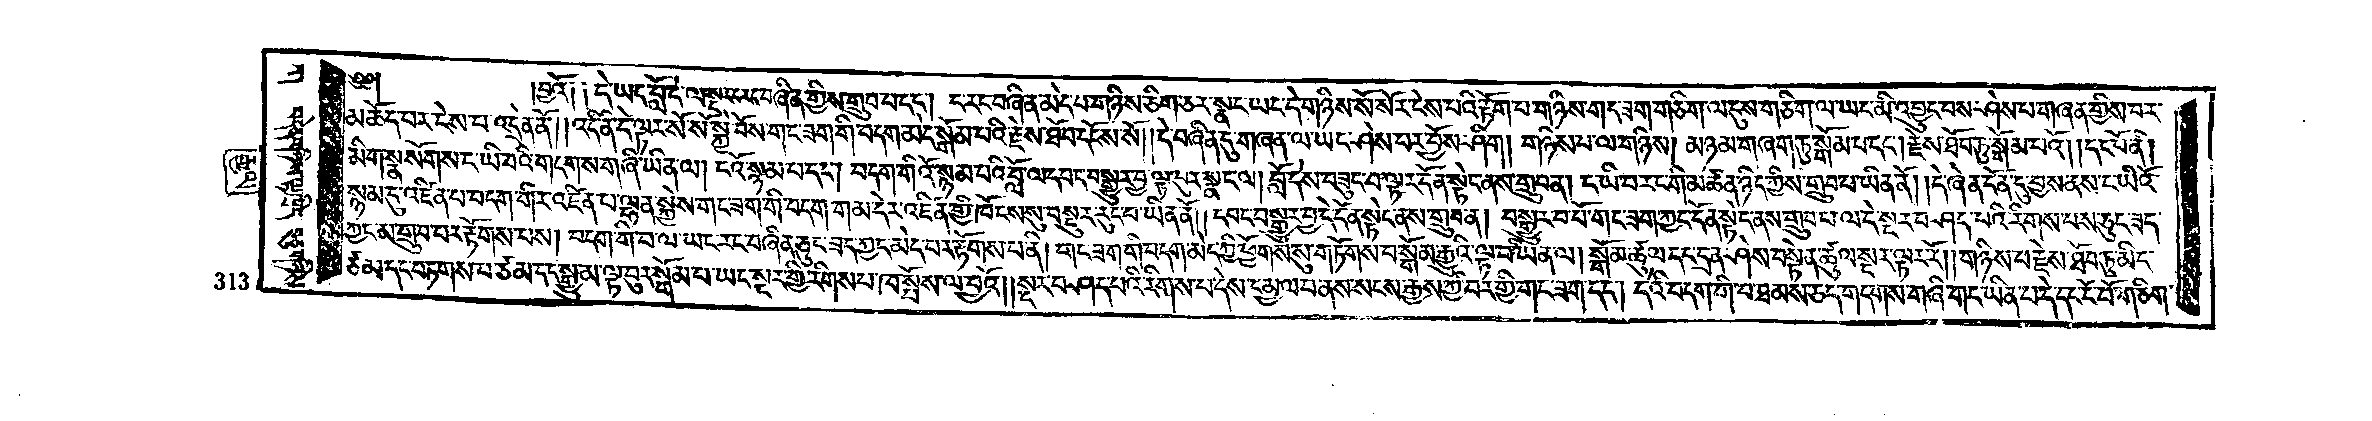༄༅། །བྱའོ། །དེ་ཡང་བློ་དེ་ལ་སྔར་ང་རང་བཞིན་གྱིས་གྲུབ་པ་དང་། ང་རང་བཞིན་མེད་པ་གཉིས་ཅིག་ཅར་སྣང་ཡང་དེ་གཉིས་སོ་སོར་ངེས་པའི་རྟོག་པ་གཉིས་གང་ཟག་གཅིག་ལ་དུས་གཅིག་ལ་ཡང་མི་འབྱུང་བས་ཤེས་པ་གཞན་གྱིས་བར་
མཆོད་པར་ངེས་པ་འདྲེན་ནོ། །འདི་ནི་དེ་ལྟར་སོ་སོ་སྐྱེ་བོས་གང་ཟག་གི་བདག་མེད་སྒོམ་པའི་རྗེས་ཐོབ་དངོས་སོ། །དེ་བཞིན་དུ་གཞན་ལ་ཡང་ཤེས་པར་བྱོས་ཤིག །གཉིས་པ་ལ་གཉིས། མཉམ་གཞག་ཏུ་སྒོམ་པ་དང་། རྗེས་ཐོབ་ཏུ་སྒོམ་པའོ། །དང་པོ་ནི།
མིག་སྣ་སོགས་ང་ཡི་བའི་གདགས་གཞི་ཡིན་ལ། ངའོ་སྙམ་པ་དང་། བདག་གིའོ་སྙམ་པའི་བློ་ལ་དབང་བསྒྱུར་བྱ་ལྟ་བུར་སྣང་ལ། བློ་དེས་བཟུང་བ་ལྟར་དོན་སྟེང་ནས་གྲུབ་ན། ང་ཡི་བ་རང་གི་མཚན་ཉིད་ཀྱིས་གྲུབ་པ་ཡིན་ནོ། །དེ་ཞེན་དོན་དུ་བྱས་ནས་ང་ཡིའོ་
སྙམ་དུ་འཛིན་པ་བདག་གིར་འཛིན་པ་ལྷན་སྐྱེས་གང་ཟག་གི་བདག་གམ་དེར་འཛིན་གྱི་ཁོངས་སུ་བསྡུར་རུང་བ་ཡིན་ནོ། །དབང་བསྒྱུར་བྱ་དེ་དོན་སྟེང་ནས་གྲུབ་ན། བསྒྱུར་བ་པོ་གང་ཟག་ཀྱང་དོན་སྟེང་ནས་གྲུབ་པ་ལ་དེ་སྔར་བཤད་པའི་རིགས་པས་ཅུང་ཟད་
ཀྱང་མ་གྲུབ་པར་རྟོགས་པས། བདག་གི་བ་ལ་ཡང་རང་བཞིན་ཅུང་ཟད་ཀྱང་མེད་པར་རྟོགས་པ་ནི། གང་ཟག་གི་བདག་མེད་ཀྱི་ཕྱོགས་སུ་གཏོགས་པ་སྒོམ་རྒྱུའི་ལྟ་བ་ཡིན་ལ། སྒོམ་ཚུལ་དང་དྲན་ཤེས་བསྟེན་ཚུལ་སྔར་ལྟར་རོ། །གཉིས་པ་རྗེས་ཐོབ་ཏུ་མིང་
ཙམ་དང་བཏགས་པ་ཙམ་དང་སྒྱུ་མ་ལྟ་བུར་སྒོམ་པ་ཡང་སྔར་གྱི་རིགས་པ་ཁ་སྤོས་ལ་བྱའོ། །སྔར་བཤད་པའི་རིགས་པ་དེས་དམྱལ་བ་ནས་སངས་རྒྱས་ཀྱི་བར་གྱི་གང་ཟག་དང་། དེའི་བདག་གི་བ་ཐམས་ཅད་གདགས་གཞི་གང་ཡིན་པ་དེ་དང་ངོ་བོ་གཅིག་